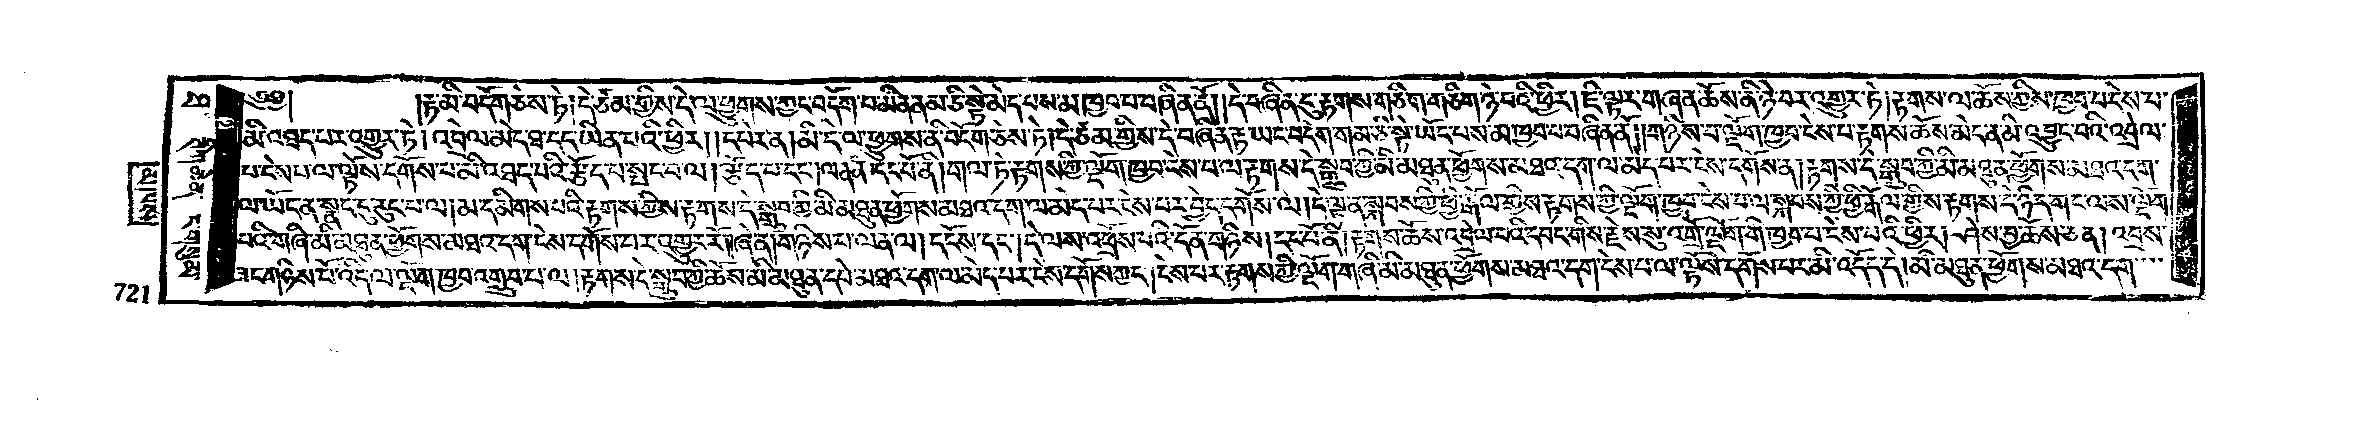༄༅། །རྟ་མི་བདོག་ཅེས་ཏེ། དེ་ཙམ་གྱིས་དེ་ལ་ཕྱུགས་ཀྱང་བདོག་པ་མིན་ནམ་ཅི་སྟེ་མེད་པས་མ་ཁྱབ་པ་བཞིན་ནོ། །དེ་བཞིན་དུ་རྟགས་གཅིག་གཅིག་ཉེ་བའི་ཕྱིར། ཇི་ལྟར་གཞན་ཆོས་ནི་ཉེ་བར་འགྱུར་ཏེ། རྟགས་ལ་ཆོས་ཀྱིས་ཁྱབ་པ་ངེས་པ་
མི་འཐད་པར་འགྱུར་ཏེ། འབྲེལ་མེད་ཐ་དད་ཡིན་པའི་ཕྱིར། །དཔེར་ན། མི་དེ་ལ་ཕྱུགས་ནི་བདོག་ཅེས་ཏེ། དེ་ཙམ་གྱིས་དེ་བཞིན་རྟ་ཡང་བདོག་གམ་ཅི་སྟེ་ཡོད་པས་མ་ཁྱབ་པ་བཞིན་ནོ། །གཉིས་པ་ལྡོག་ཁྱབ་ངེས་པ་རྟགས་ཆོས་མེད་ན་མི་འབྱུང་བའི་འབྲེལ་
བ་ངེས་པ་ལ་ལྟོས་དགོས་པ་མི་འཐད་པའི་རྩོད་པ་སྤང་བ་ལ། རྩོད་པ་དང་། ལན་ནི། དང་པོ་ནི། གལ་ཏེ་རྟགས་ཀྱི་ལྡོག་ཁྱབ་ངེས་པ་ལ་རྟགས་དེ་སྒྲུབ་ཀྱི་མི་མཐུན་ཕྱོགས་མཐའ་དག་ལ་མེད་པར་ངེས་དགོས་ན། རྟགས་དེ་སྒྲུབ་ཀྱི་མི་མཐུན་ཕྱོགས་མཐའ་དག་
ལ་ཡོད་ན་སྣང་དུ་རུང་བ་ལ། མ་དམིགས་པའི་རྟགས་ཀྱིས་རྟགས་དེ་སྒྲུབ་ཀྱི་མི་མཐུན་ཕྱོགས་མཐའ་དག་ལ་མེད་པར་ངེས་པར་བྱེད་དགོས་ལ། དེ་ལྟ་ན་སྐབས་ཀྱི་ཕྱི་རྒོལ་གྱིས་རྟགས་ཀྱི་ལྡོག་ཁྱབ་ངེས་པ་ལ་སྐབས་ཀྱི་ཕྱི་རྒོལ་གྱིས་རྟགས་དེ་ཉིད་གང་ལས་ལྡོག་
པའི་གཞི་མི་མཐུན་ཕྱོགས་མཐའ་དག་ངེས་དགོས་པར་འགྱུར་རོ། །ཞེ་ན། གཉིས་པ་ལན་ལ། དངོས་དང་། དེ་ལས་འཕྲོས་པའི་དོན་གཉིས། དང་པོ་ནི། རྟགས་ཆོས་འབྲེལ་བའི་དབང་གིས་རྗེས་སུ་འགྲོ་ལྡོག་གི་ཁྱབ་པ་ངེས་པའི་ཕྱིར། ཤེས་བྱ་ཆོས་ཅན། འབྲས་
ཟང་གཉིས་པོ་འདི་ལ་ལྡོག་ཁྱབ་འགྲུབ་པ་ལ། རྟགས་དེ་སྒྲུབ་ཀྱི་ཆོས་མི་མཐུན་དཔེ་མཐའ་དག་ལ་མེད་པར་ངེས་དགོས་ཀྱང་། ངེས་པར་རྟགས་ཀྱི་ལྡོག་གཞི་མི་མཐུན་ཕྱོགས་མཐའ་དག་ངེས་པ་ལ་ལྟོས་དགོས་པར་མི་འདོད་དེ། མི་མཐུན་ཕྱོགས་མཐའ་དག་